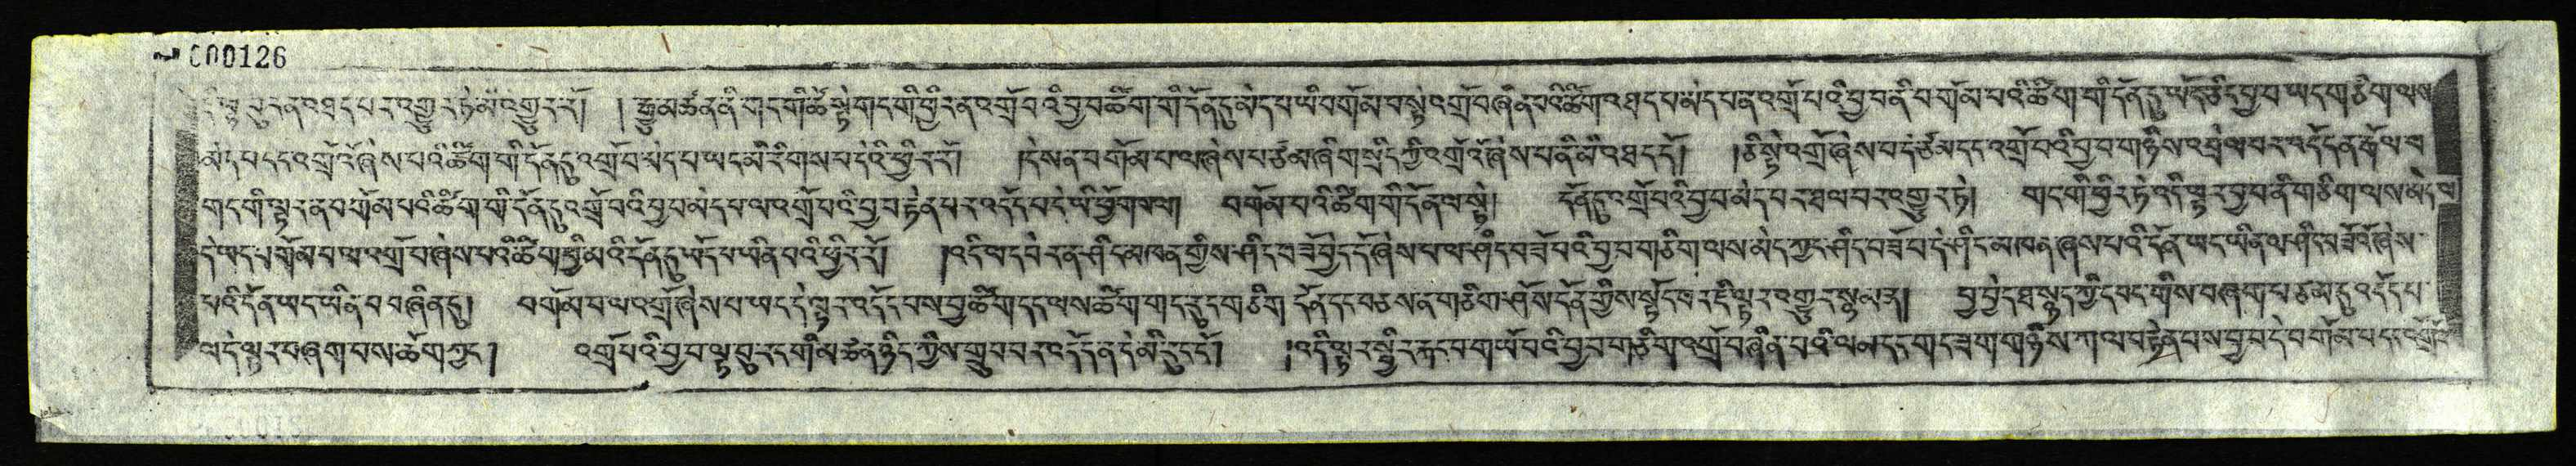ཇི་ལྟ་བུར་ན་འཐད་པར་འགྱུར་ཏེ་མི་འགྱུར་རོ། །རྒྱུ་མཚན་ནི་གང་གི་ཚེ་སྟེ་གང་གི་ཕྱིར་ན་འགྲོ་བའི་བྱ་བ་ཚིག་གི་དོན་དུ་མེད་པ་ཡི་བགོམ་པ་སྟེ་འགྲོ་བཞིན་པའི་ཚིག་འཐད་པ་མེད་པ་ན་འགྲོ་བའི་བྱ་བ་ནི་བགོམ་པའི་ཚིག་གི་དོན་དུ་ཡོད་ཅིང་བྱ་བ་ཡང་གཅིག་ལས་
མེད་པ་དང་འགྲོའོ་ཞེས་པའི་ཚིག་གི་དོན་དུ་འགྲོ་བ་མེད་པ་ཡང་མི་རིགས་པ་དེའི་ཕྱིར་རོ། །དེས་ན་བགོམ་པ་ལ་ཞེས་པ་ཙམ་ཞིག་སྲིད་ཀྱི་འགྲོའོ་ཞེས་པ་ནི་མི་འཐད་དོ། །ཅི་སྟེ་འགྲོ་ཞེས་པ་དེ་ཙམ་དང་འགྲོ་བའི་བྱ་བ་གཉིས་འབྲེལ་བར་འདོད་ན་རྒོལ་ལ་
གང་གི་ལྟར་ན་བགོམ་པའི་ཚིག་གི་དོན་དུ་འགྲོ་བའི་བྱ་བ་མེད་པ་ལ་འགྲོ་བའི་བྱ་བ་རྟེན་པར་འདོད་པ་དེ་ཡི་ཕྱོགས་ལ། བགོམ་པའི་ཚིག་གི་དོན་ལ་སྟེ། དོན་དུ་འགྲོ་བའི་བྱ་བ་མེད་པར་ཐལ་བར་འགྱུར་ཏེ། གང་གི་ཕྱིར་ཏེ་འདི་ལྟར་བྱ་བ་ནི་གཅིག་ལས་མེད་པ་
དེ་ཡང་བགོམ་པ་ལ་འགྲོ་བ་ཞེས་པའི་ཚིག་ཕྱི་མའི་དོན་དུ་ཡོད་པ་ཡིན་པའི་ཕྱིར་རོ། །འདི་ལ་དཔེར་ན་ཤིང་མཁན་གྱིས་ཤིང་བཟོ་བྱེད་དོ་ཞེས་པ་ལ་ཤིང་བཟོ་བའི་བྱ་བ་གཅིག་ལས་མེད་ཀྱང་ཤིང་བཟོ་བ་དེ་ཤིང་མཁན་ཞེས་པའི་དོན་ཡང་ཡིན་ལ་ཤིང་བཟོའོ་ཞེས་
པའི་དོན་ཡང་ཡིན་པ་བཞིན་དུ། བགོམ་པ་ལ་འགྲོ་ཞེས་པ་ཡང་དེ་ལྟར་འདོད་པས་བྱ་ཚིག་དང་ལས་ཚིག་གང་རུང་གཅིག་དོན་དང་བཅས་ན་གཅིག་ཤོས་དོན་གྱིས་སྟོང་པར་ཇི་ལྟར་འགྱུར་སྙམ་ན། བྱ་བྱེད་ཐ་སྙད་ཀྱི་དབང་གིས་བཞག་པ་ཙམ་དུ་འདོད་པ་
ལ་དེ་ལྟར་བཞག་པས་ཆོག་ཀྱང་། འགྲོ་པའི་བྱ་བ་ལྟ་བུ་རང་གི་མཚན་ཉིད་ཀྱིས་གྲུབ་པར་འདོད་ན་དེ་མི་རུང་ངོ། །འདི་ལྟར་སྤྱིར་རྐང་པ་གཡོ་བའི་བྱ་བ་གཅིག་འགྲོ་བཞིན་པའི་ལམ་དང་གང་ཟག་གཉིས་ཀ་ལ་བརྟེན་པས་བྱ་བ་དེ་བགོམ་པ་དང་འགྲོའོ་